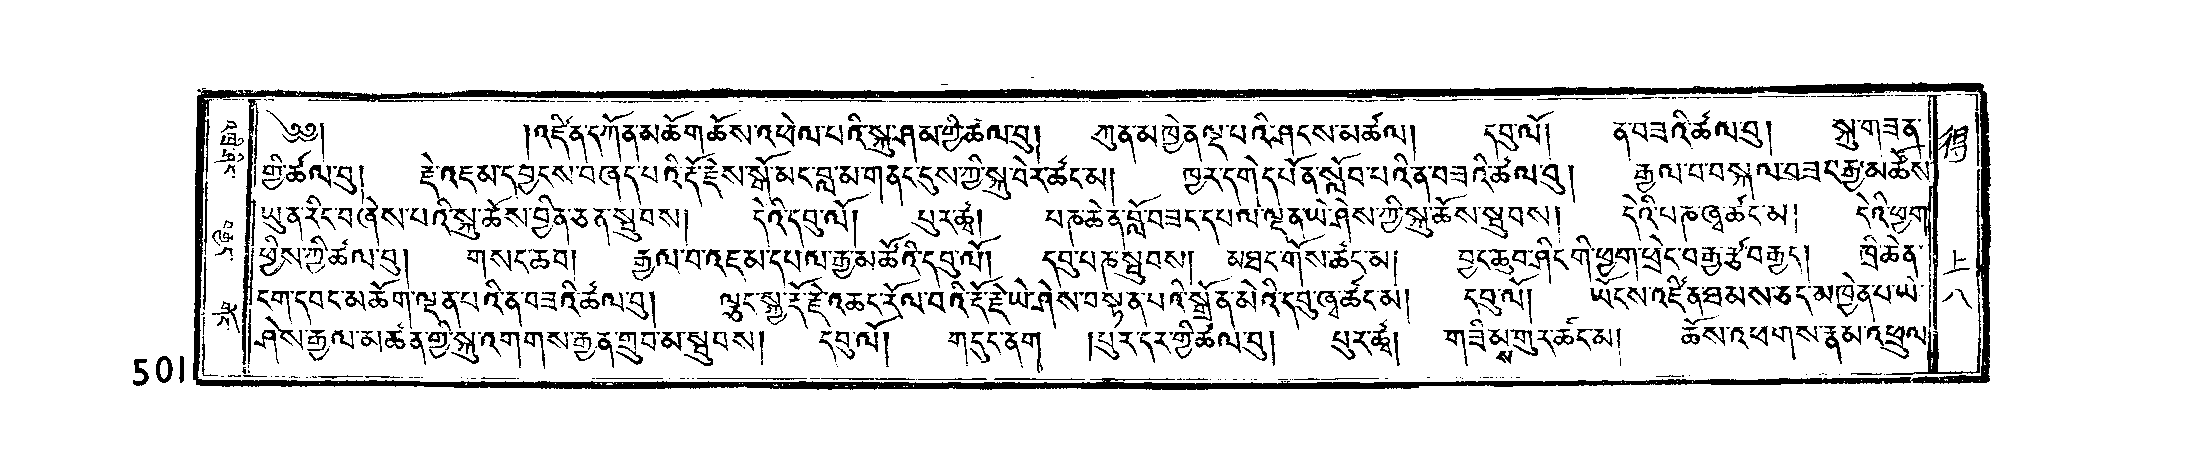༄༅། །འཛིན་དཀོན་མཆོག་ཆོས་འཕེལ་པའི་སྐུ་ཤམ་གྱི་ཚལ་བུ། ཀུན་མཁྱེན་ལྔ་པའི་ཤངས་མཚལ། དབུ་ལོ། ན་བཟའི་ཚལ་བུ། སྐུ་གཟན་
གྱི་ཚལ་བུ། རྗེ་འཇམ་དབྱངས་བཞད་པའི་རྡོ་རྗེས་སྒོ་མང་བླ་མ་གནང་དུས་ཀྱི་སྐུ་བེར་ཚང་མ། ཁྱར་དགེ་དཔོན་སློབ་པའི་ན་བཟའི་ཚལ་བུ། རྒྱལ་བ་བསྐལ་བཟང་རྒྱ་མཚོས་
ཡུན་རིང་བཞེས་པའི་སྐུ་ཆོས་བྱིན་ཅན་སྤུབས། དེའི་དབུ་ལོ། པུར་ཚྭ། པཎ་ཆེན་བློ་བཟང་དཔལ་ལྡན་ཡེ་ཤེས་ཀྱི་སྐུ་ཆོས་སྦུབས། དེའི་པཎ་ཞྭ་ཚང་མ། དེའི་ཕྱག་
ཕྱིས་ཀྱི་ཚལ་བུ། གསང་ཆབ། རྒྱལ་བ་འཇམ་དཔལ་རྒྱ་མཚོའི་དབུ་ལོ། དབུ་པཎ་སྦུབས། མཐང་གོས་ཚང་མ། བྱང་ཆུབ་ཤིང་གི་ཕྱག་ཕྲེང་བརྒྱ་རྩ་བརྒྱད། ཁྲི་ཆེན་
ངག་དབང་མཆོག་ལྡན་པའི་ན་བཟའི་ཚལ་བུ། ལྕང་སྐྱ་རྡོ་རྗེ་འཆང་རོལ་བའི་རྡོ་རྗེ་ཡེ་ཤེས་བསྟན་པའི་སྒྲོན་མེའི་དབུ་ཞྭ་ཚང་མ། དབུ་ལོ། ཡོངས་འཛིན་ཐམས་ཅད་མཁྱེན་པ་ཡེ་
ཤེས་རྒྱལ་མཚན་གྱི་སྐུ་འགགས་རྒྱན་གྲུབ་མ་སྦུབས། དབུ་ལོ། གདུང་ནག །པུར་དར་གྱི་ཚལ་བུ། པུར་ཚྭ། གཟིམས་གུར་ཚང་མ། ཆོས་འཕགས་རྣམ་འཕྲུལ་